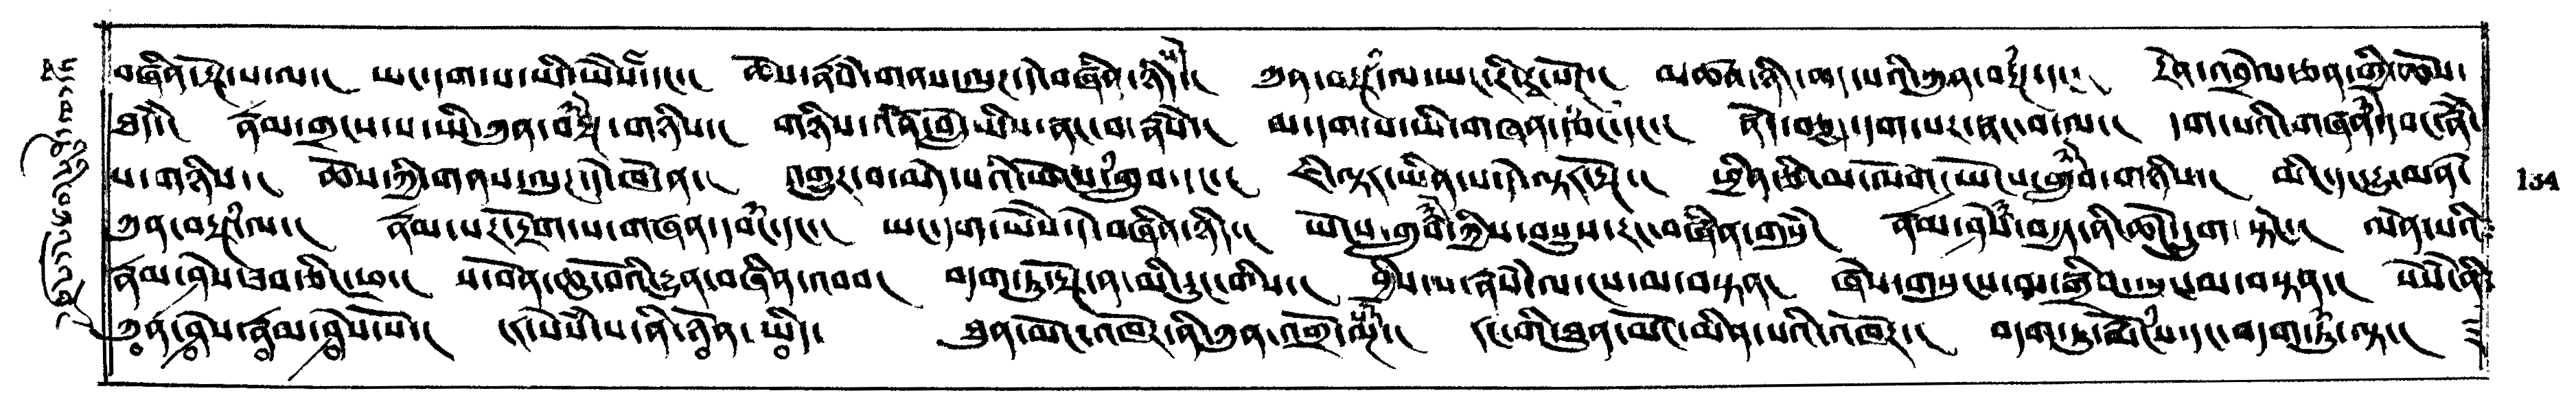བཞིན་རྟོགས་པ་ལ། །ཡང་དག་པ་ཡི་ཡེ་ཤེས་དང་། །ཆོས་རྣམས་གནས་ལུགས་དེ་བཞིན་ཉིད། །ཀུན་བརྟགས་ལ་ཡང་རི་རྭ་སོགས། །མཚན་ཉིད་ཆད་པའི་ཀུན་བརྟགས་དང་། །རྟེན་འབྲེལ་ཅན་གྱི་ཆོས་
ཐམས་ཅད། །རྣམ་གྲངས་པ་ཡི་ཀུན་བརྟགས་གཉིས། །གཉིས་འཛིན་བློ་ཡིས་སྣང་བ་རྣམས། །མ་དག་པ་ཡི་གཞན་དབང་དང་། །སྣོད་བཅུད་དག་པར་སྣང་བ་ལ། །དག་པའི་གཞན་དབང་རྣམ་
པ་གཉིས། །ཆོས་ཀྱི་གནས་ལུགས་དེ་ཁོ་ན། །འགྱུར་བ་མེད་པའི་ཡོངས་གྲུབ་དང་། །ཇི་ལྟར་ཡིན་པ་དེ་ལྟར་རྟོགས། །ཕྱིན་ཅི་མ་ལོག་ཡོངས་གྲུབ་གཉིས། །མིང་དང་རྒྱུ་མཚན་
ཀུན་བརྟགས་ལ། །རྣམ་པར་རྟོག་པ་གཞན་དབང་དང་། །ཡང་དག་ཡེ་ཤེས་དེ་བཞིན་ཉིད། །ཡོངས་གྲུབ་ཀྱིས་བསྡུས་རང་བཞིན་གསུམ། །རྣམ་ཤེས་བརྒྱད་ནི་ཚོགས་དྲུག་སྟེང་། །ལེན་པའི་
རྣམ་ཤེས་ཟབ་ཅིང་ཕྲ། །ས་བོན་ཆུ་བོའི་རྒྱུན་བཞིན་འབབ། །བདག་ཏུ་རྟོག་ན་མི་རུང་གིས། །བྱིས་པ་རྣམས་ལ་ངས་མ་བསྟན། །ཞེས་གསུངས་མ་བསྒྲིབས་ལུང་མ་བསྟན། །སེམས་ནི་
ཀུན་ཤེས་རྣམ་ཤེས་སོ། །ངར་སེམས་པ་ནི་ཉོན་ཡིད་དོ། །ཐུན་མོང་འཁོར་ནི་ཀུན་འགྲོ་ལྔ། །རང་གི་ཐུན་མོང་མིན་པའི་འཁོར། །བདག་ཏུ་རྨོངས་དང་བདག་ཏུ་ལྟ།